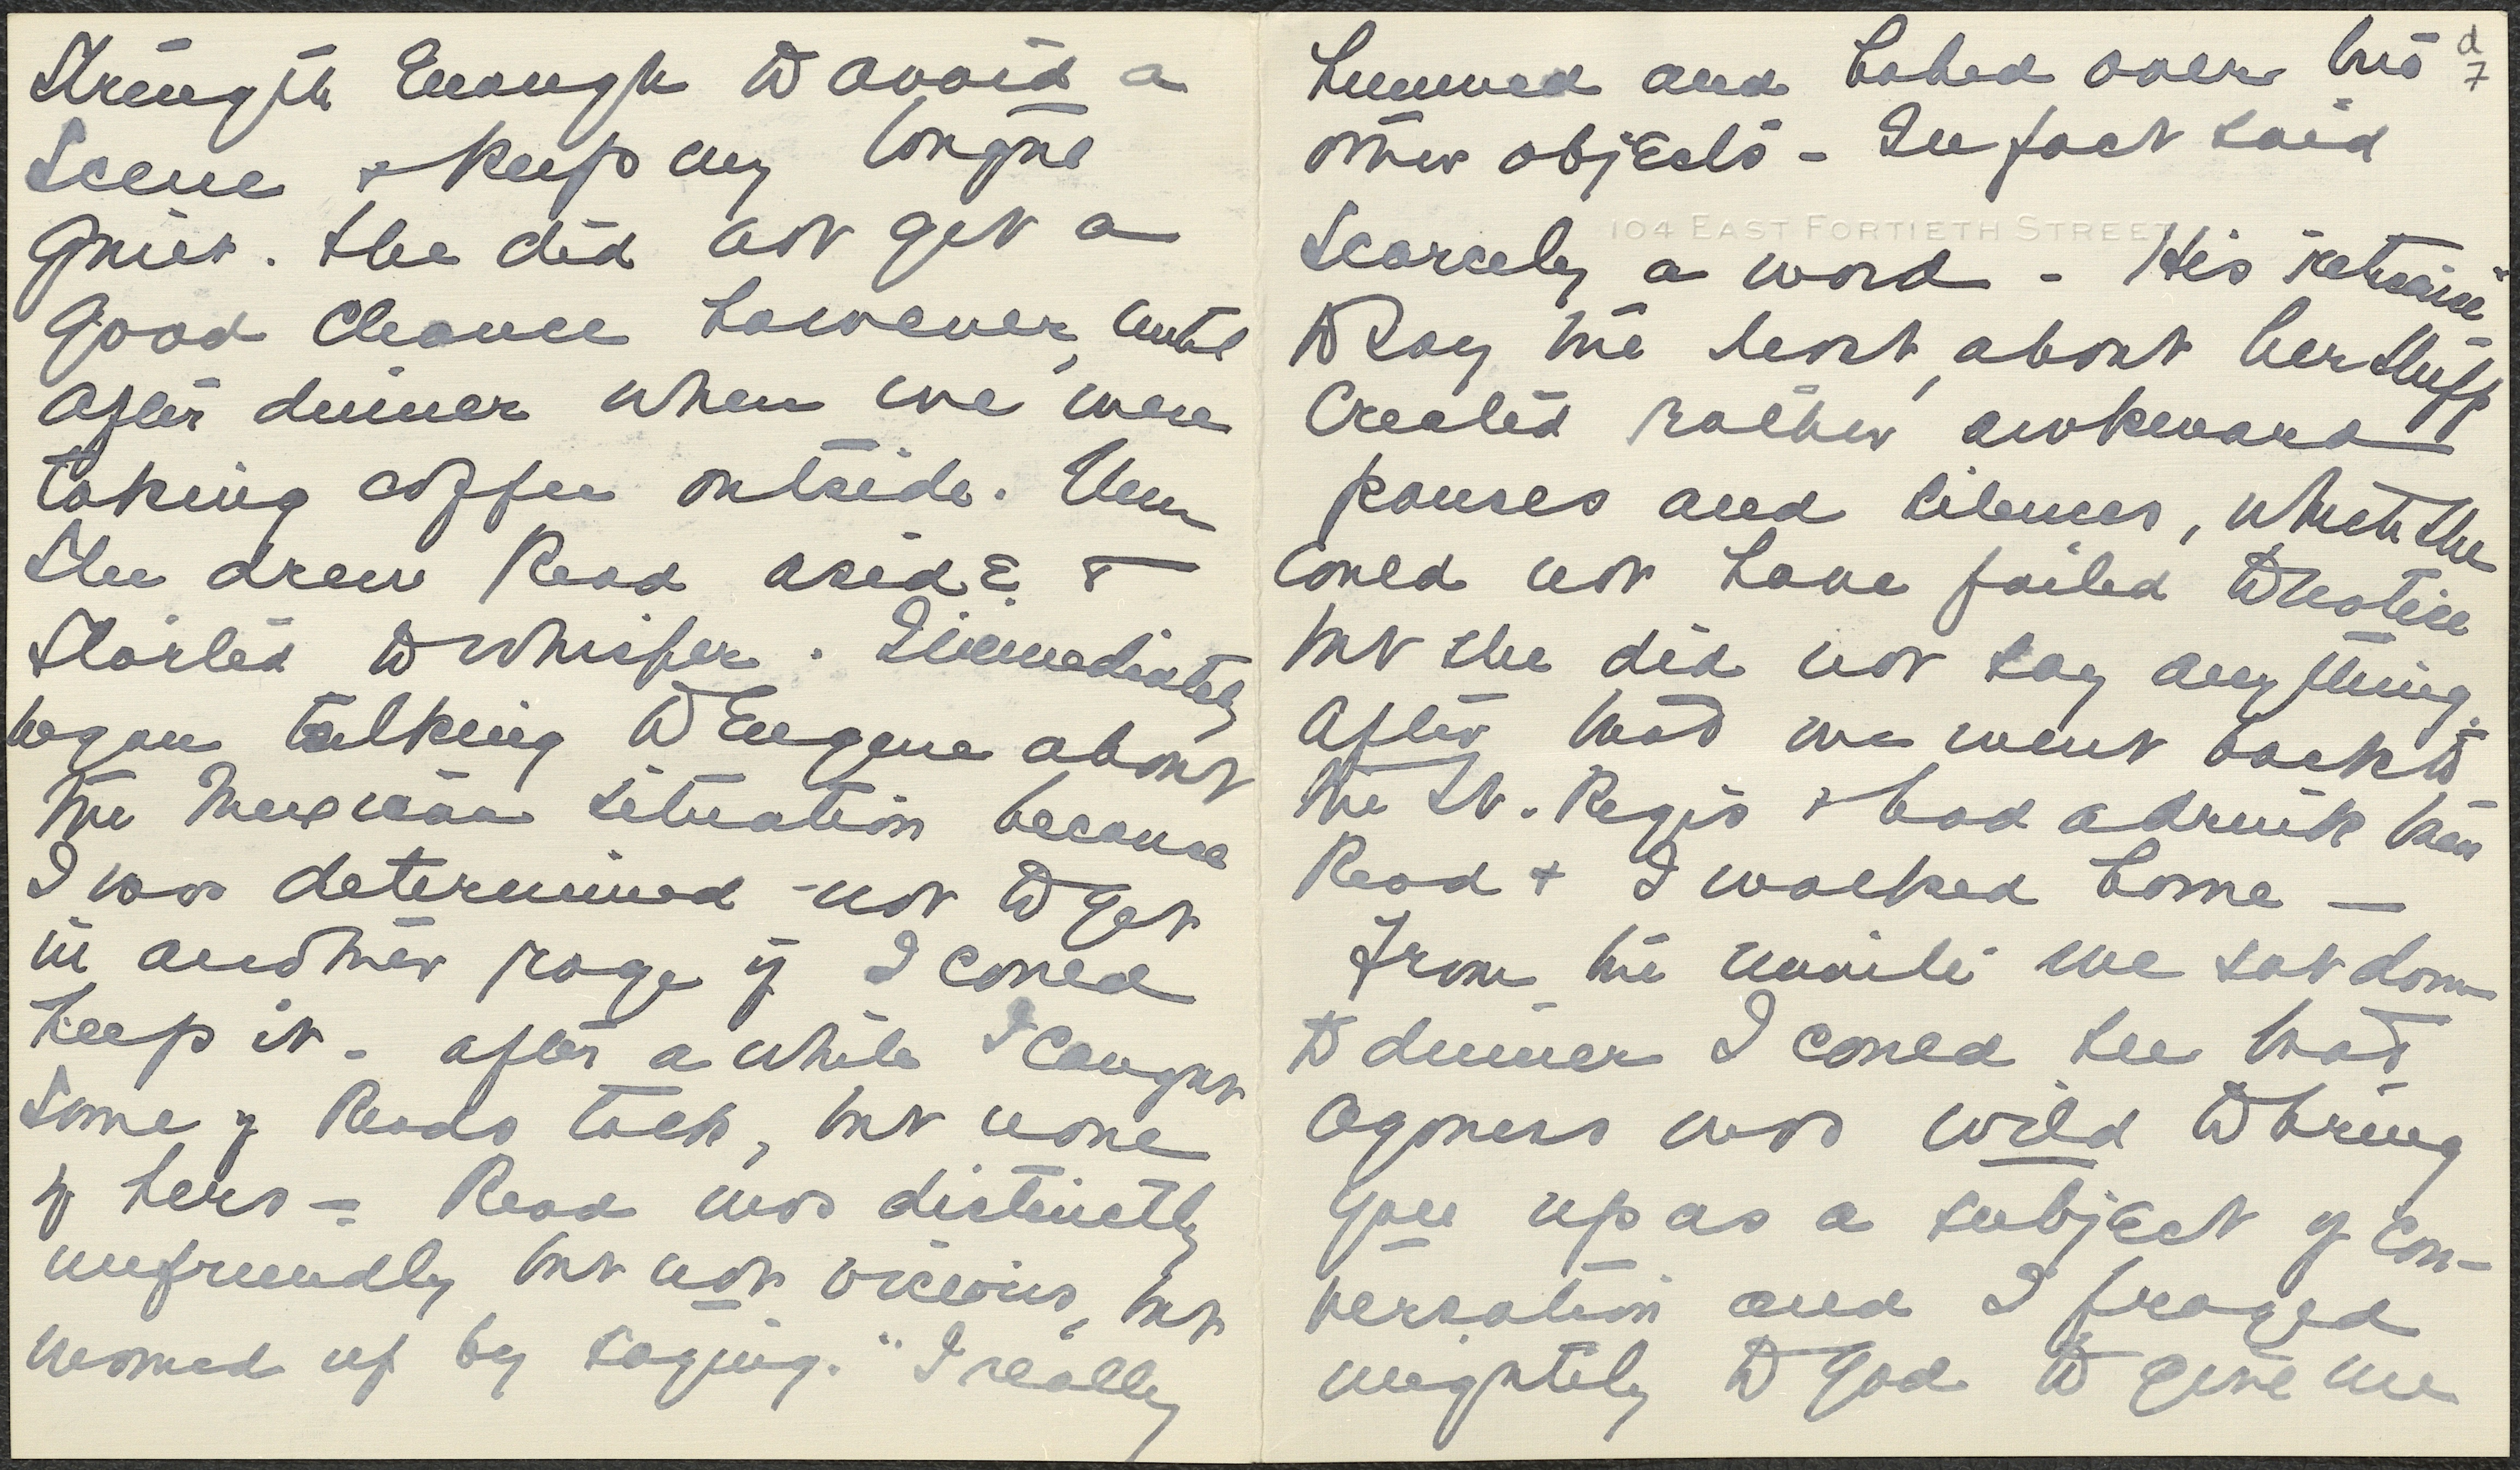hummed and hahed over the other objects – In fact said scarcely a word –His "reticence" to say the least, about her stuff created rather awkward pauses and silences, which she could not have failed to notice but she did not say anything. After that we went back to the St. Regis & had a drink then Read & I walked home –
From the minute we sat down to dinner I could see that Agoness was wild to bring you up as a subject of conversation and I prayed mightily to God to give me
strength enough to avoid a scene & keep my tongue quiet. She did not get a good chance however, until after dinner when we were taking coffee outside. Then she drew Read aside & started to whisper. I immediately began talking to Eugene about the Mexican situation because I was determined not to get in another rage if I could keep it – after a while I caught some of Reads talk, but none of hers – Read was distinctly unfriendly but not vicious, but wound up by saying, "I really